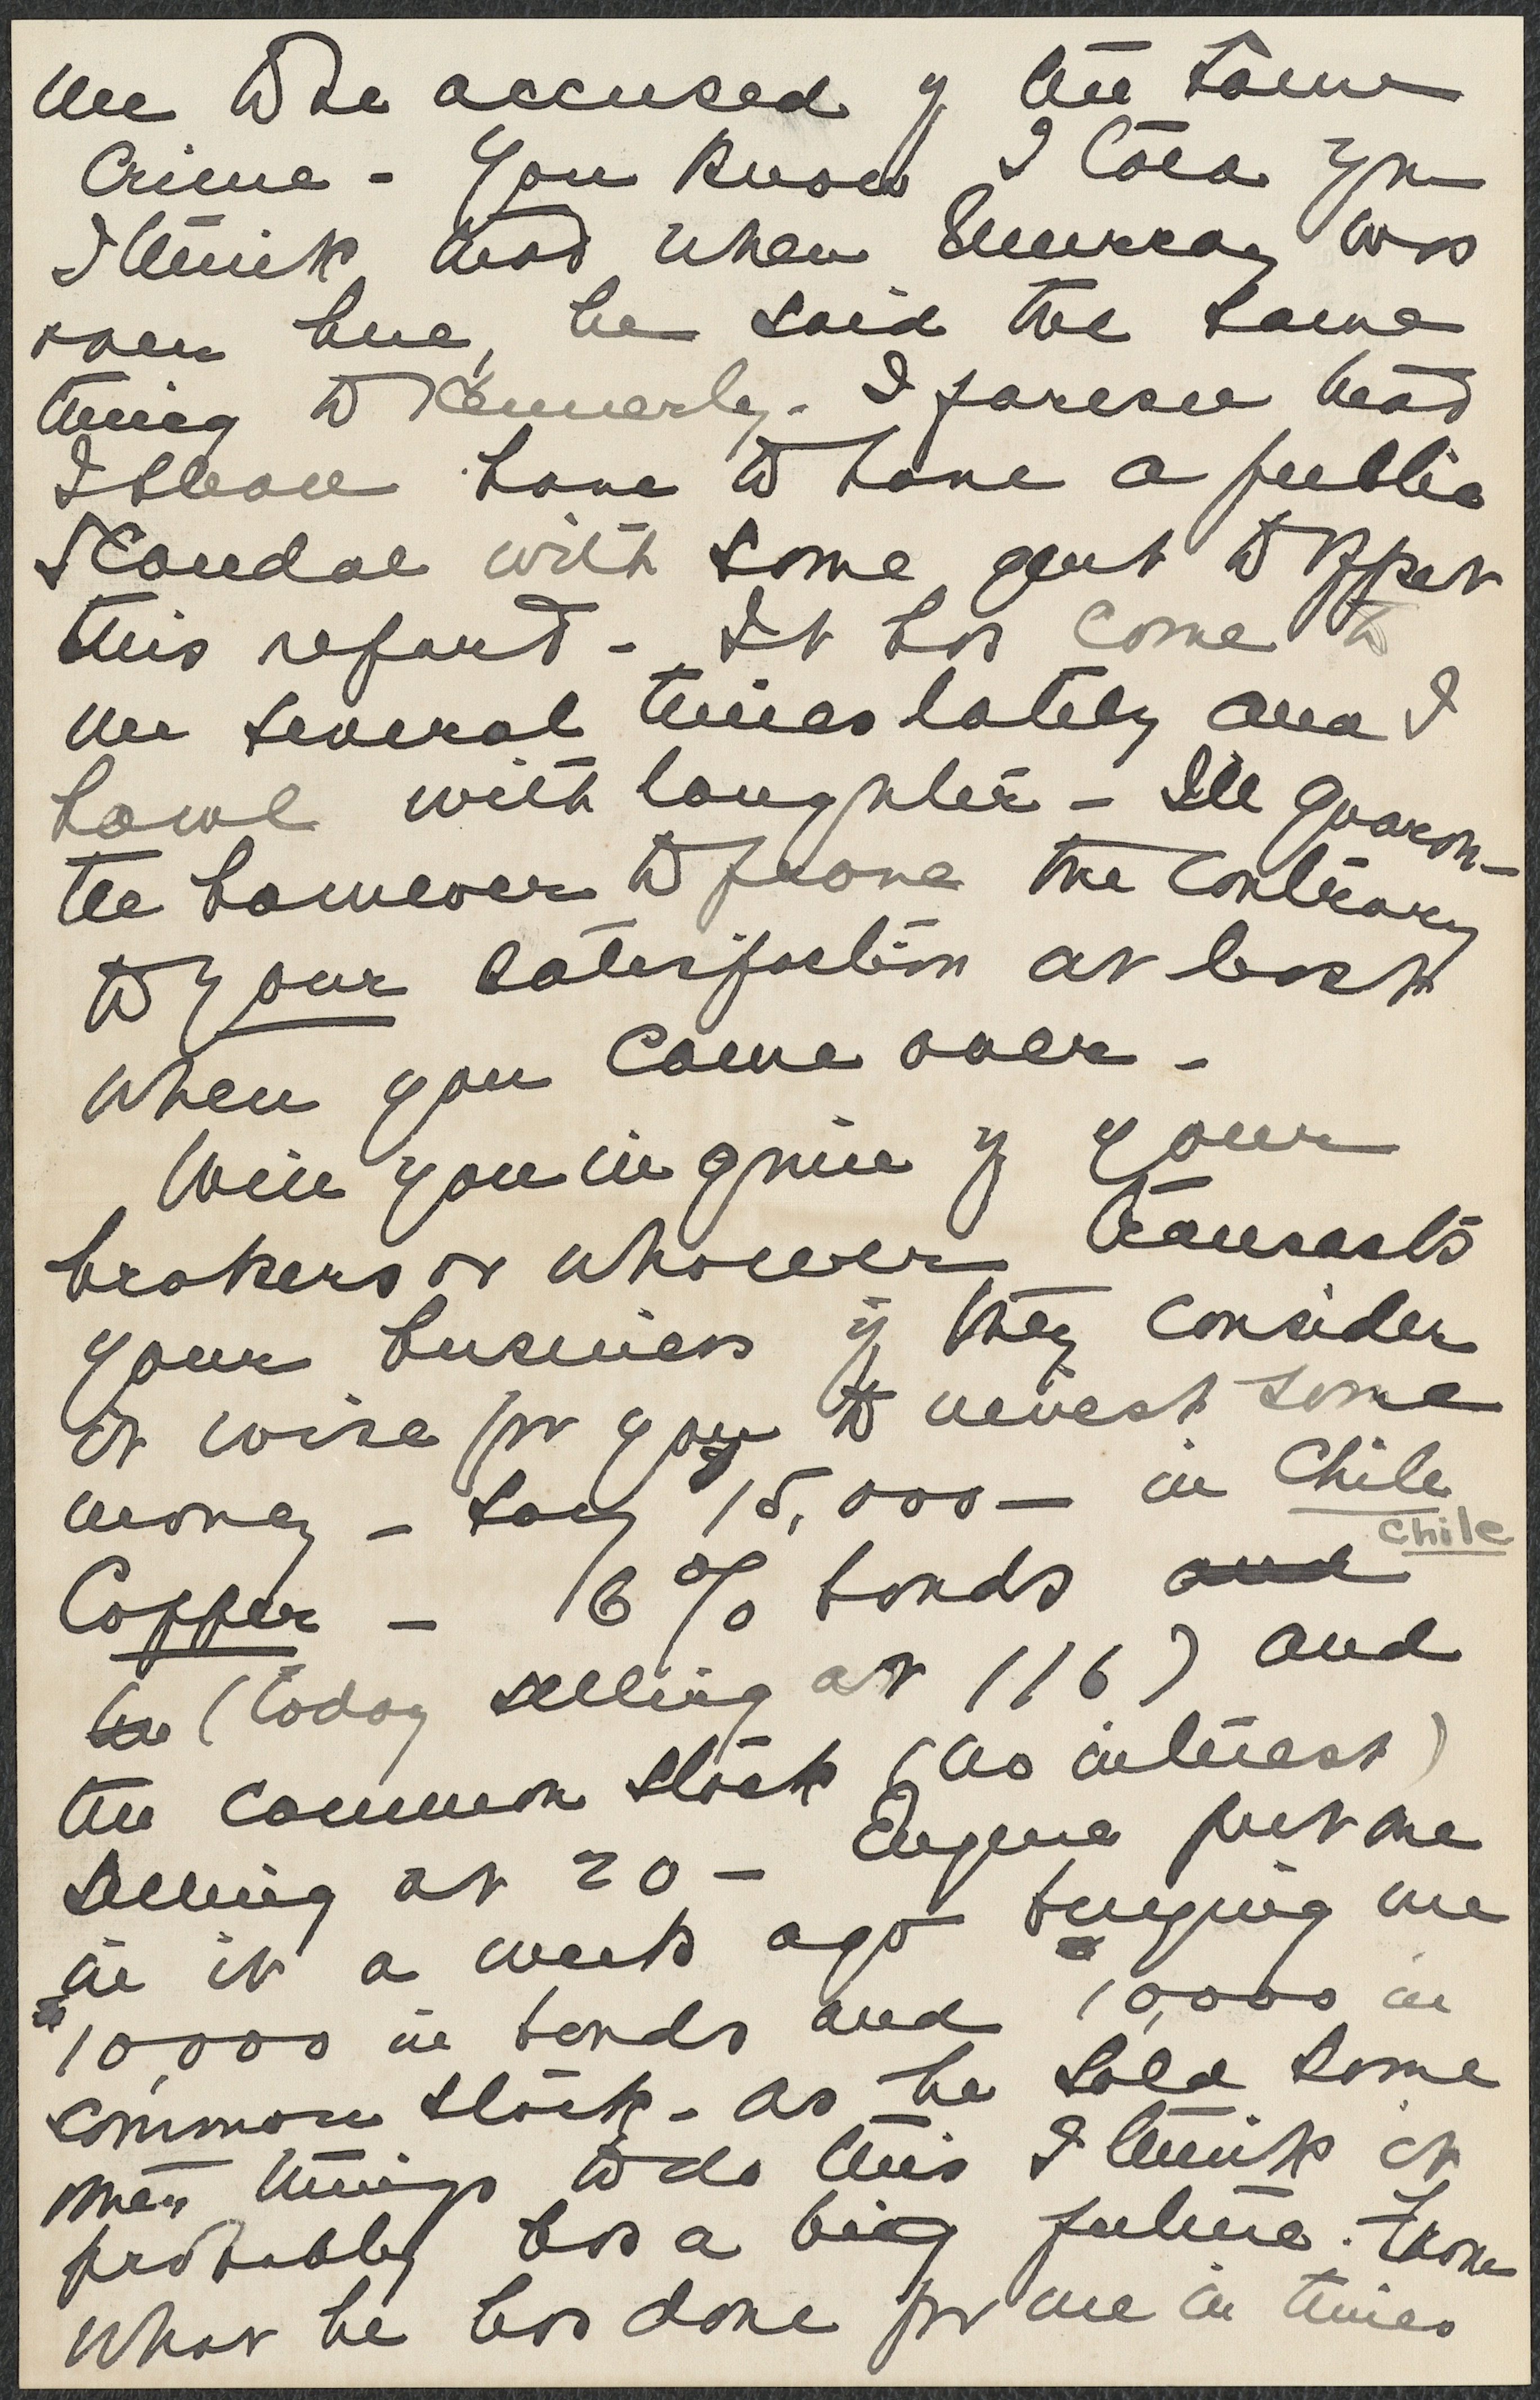me to be accused of the same crime – you know I told you I think that when Murray was over here, he said the same thing to Kennerly – I foresee that I shall have to have a public scandal with some gent to offset this report – It has come to me several times lately and I howl with laughter – I’ll guarantee however to prove the contrary to your satisfaction or at least when you come over –
Will you inquire of your brokers or whoever transacts your business if they consider it wise for you to invest some money – say $15,000 – in Chile [written more clearly beneath it: Chile] Copper – 6% bonds and the (today selling at 116) and the common stock (no interest) selling at 20 – Eugene put in in it a week ago buying me $10,000 in bonds and $10,000 in common stock – as he sold some other things to do this I think it probably has a big future. From what he has done for me in times